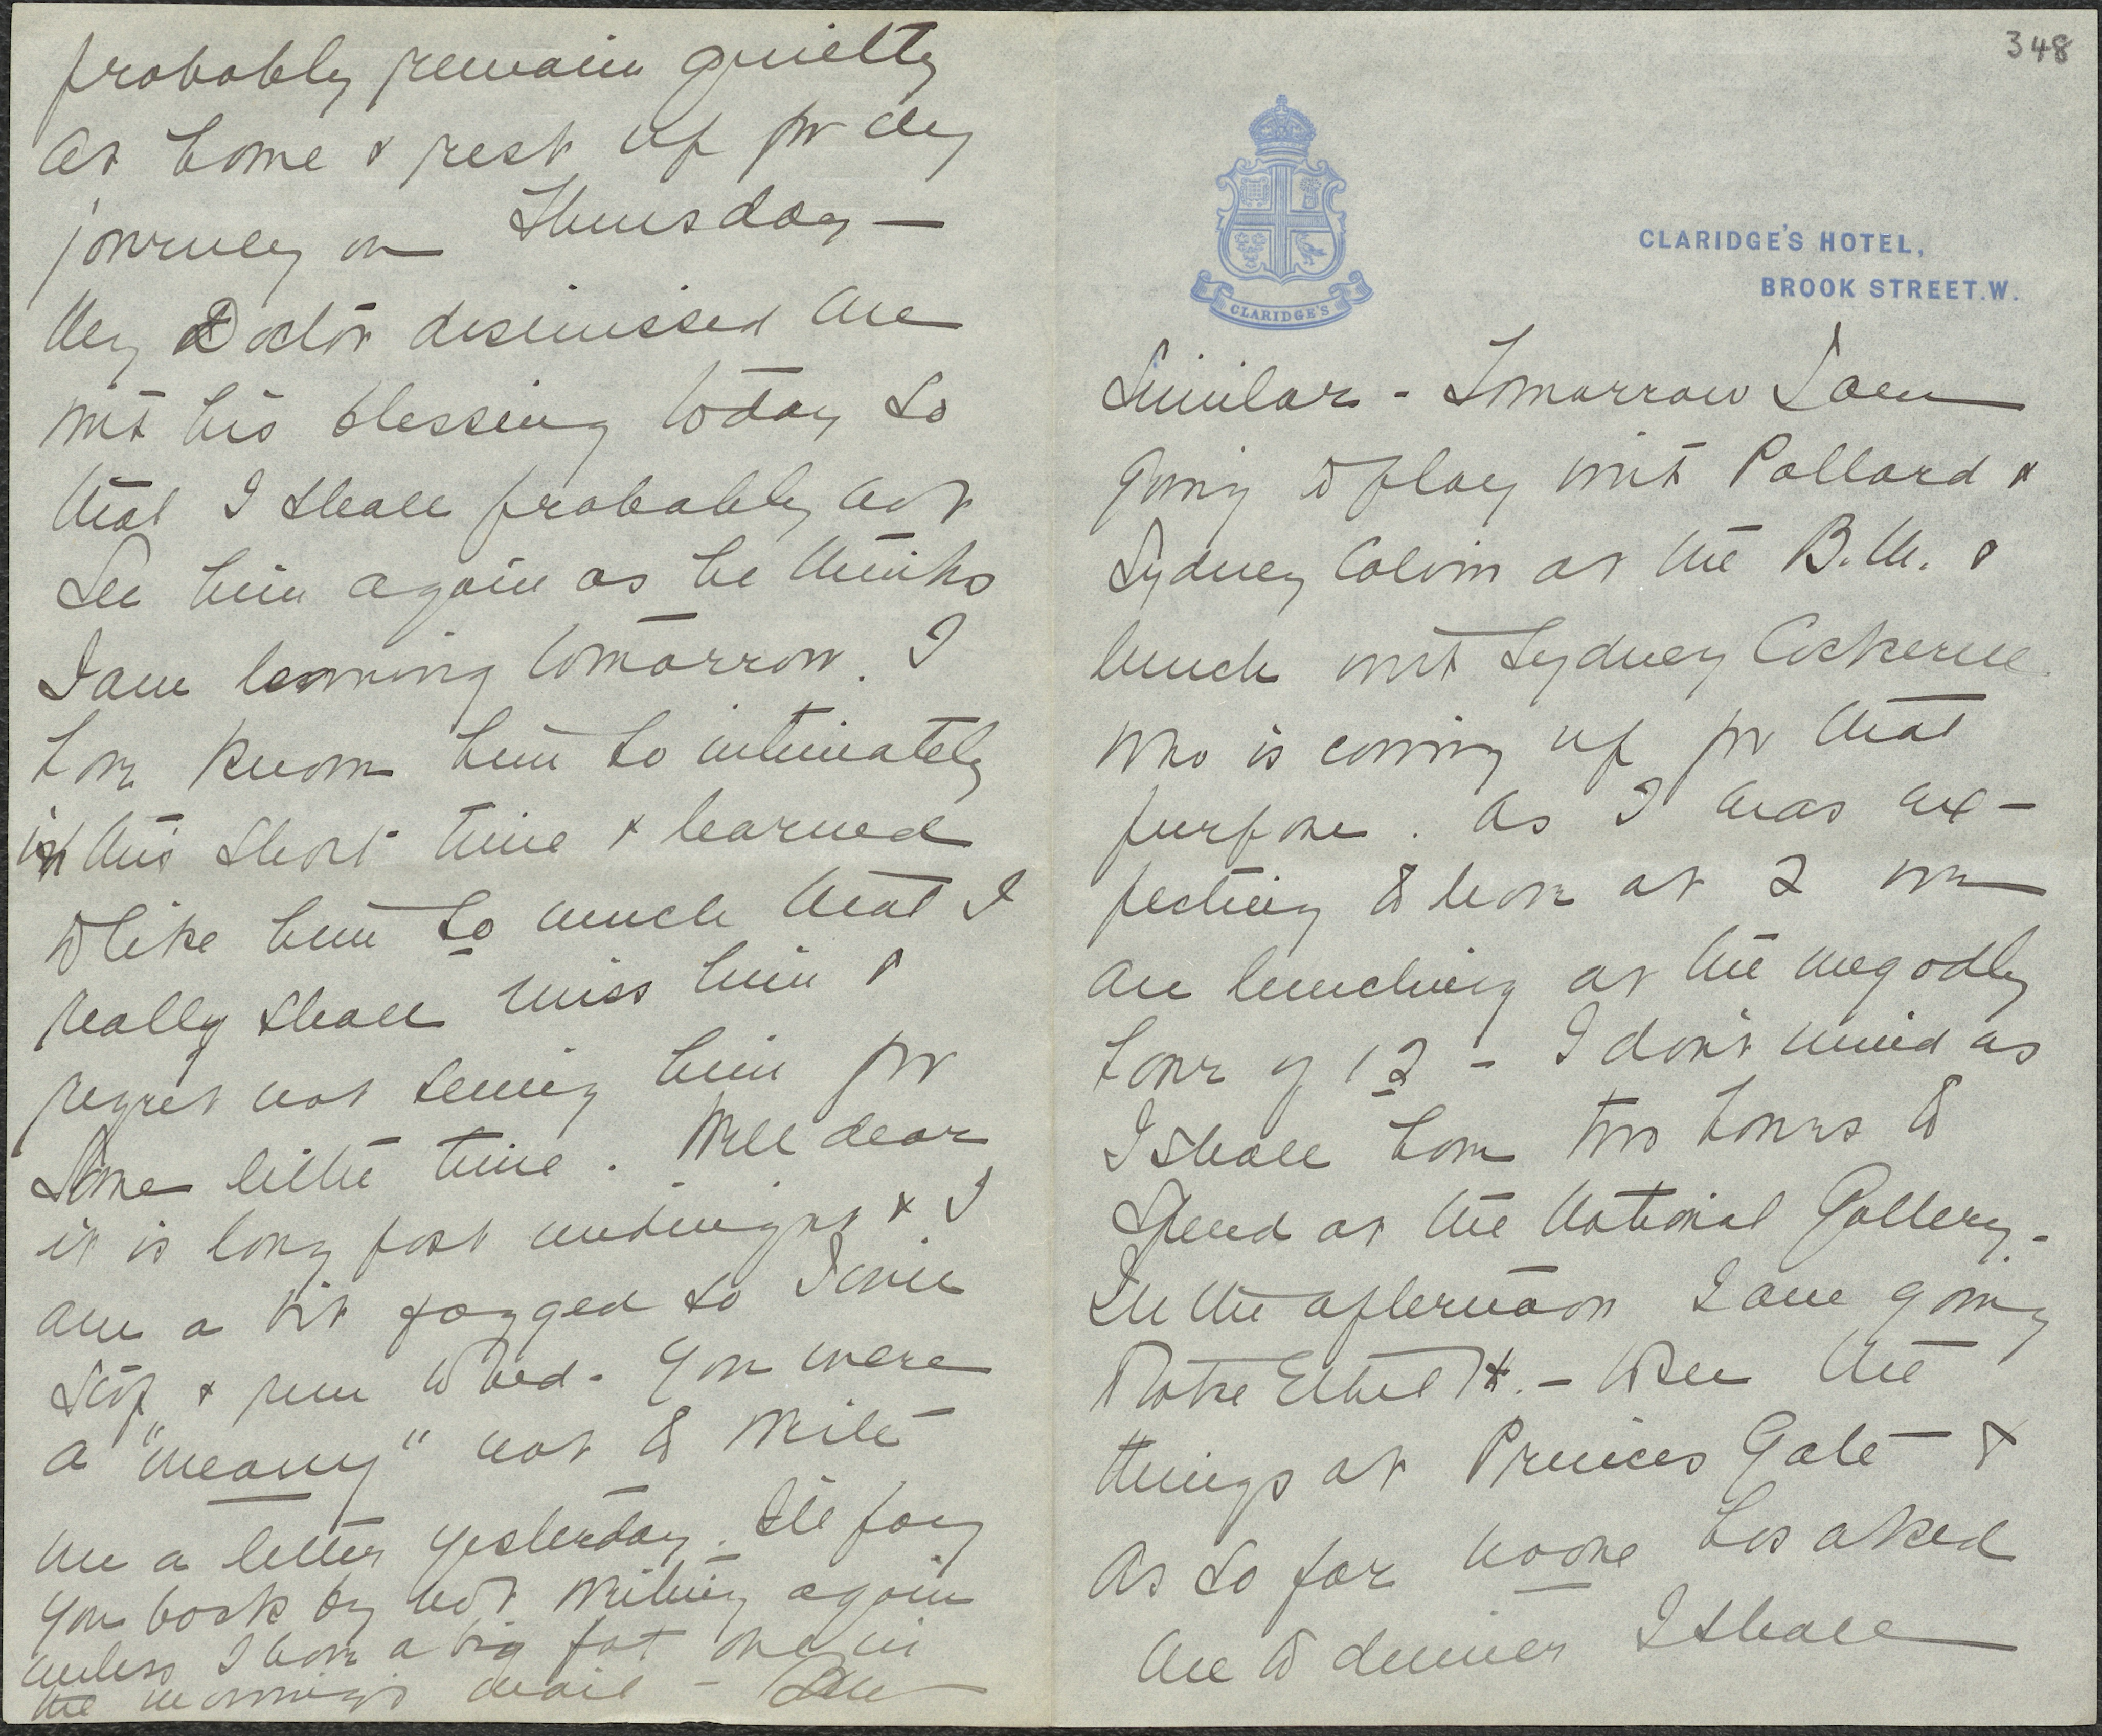similar – Tomorrow I am going to play with Pollard & Sydney Colvin at the B.M. & lunch with Sydney Cockerell who is coming up for that purpose. As I was expecting to leave at 2 we are lunching at the ungodly hour of 12 – I don’t mind as I shall have two hours to spend at the National Gallery – In the afternoon I am going to take Ethel H. – to see the things at Princes Gate – & as so far no one has asked me to dinner I shall
probably remain quietly at home & rest up for my journey on Thursday – My Doctor dismissed me with his blessing today so that I shall probably not see him again as he thinks I am leaving tomorrow. I have known him so intimately in this short time & learned to like him so much that I really shall miss him & regret not seeing him for some little time. Well dear it is long past midnight & I am a bit fogged so I will stop & run to bed – You were a “meany” not to write me a letter yesterday. I’ll pay you back by not writing again unless I have a big fat one in the incoming mail – Belle